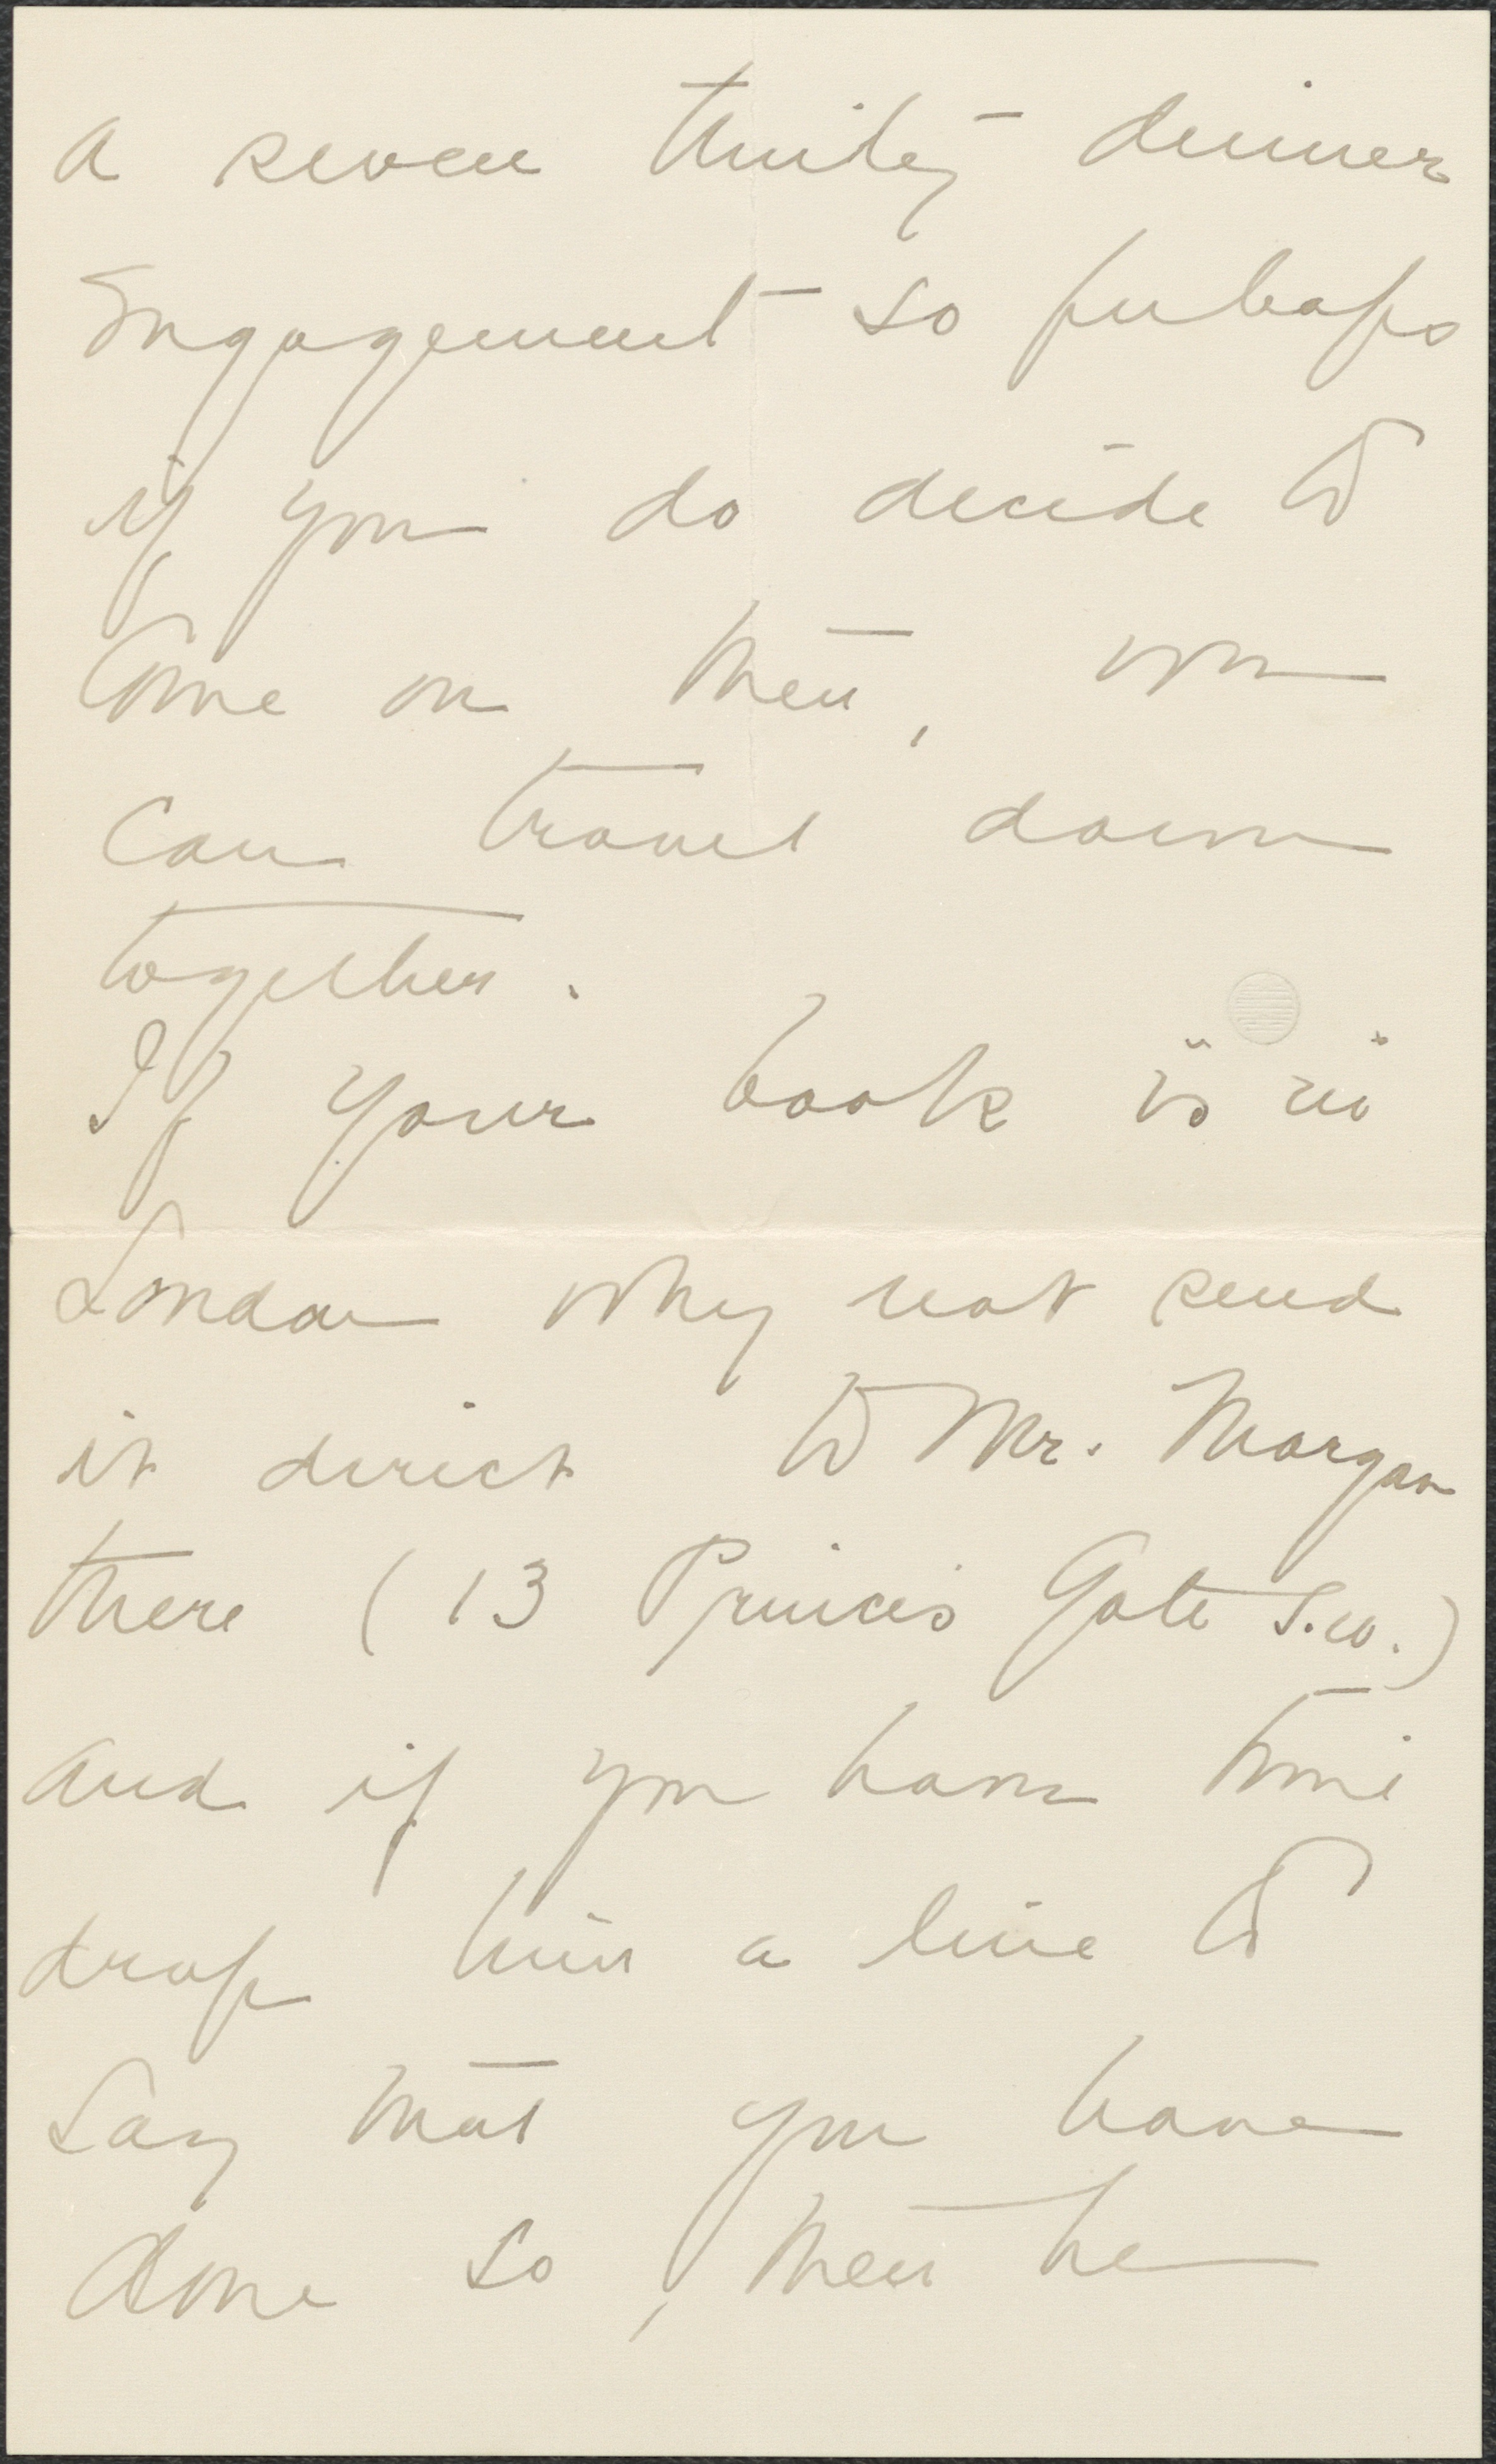a seven thirty dinner engagement so perhaps if you do decide to come on then, we can travel down together.
If your book is in London why not send it direct to Mr. Morgan there (13 Princes’ Gate S. W.) and if you have time drop him a line to say that you have done so, then he